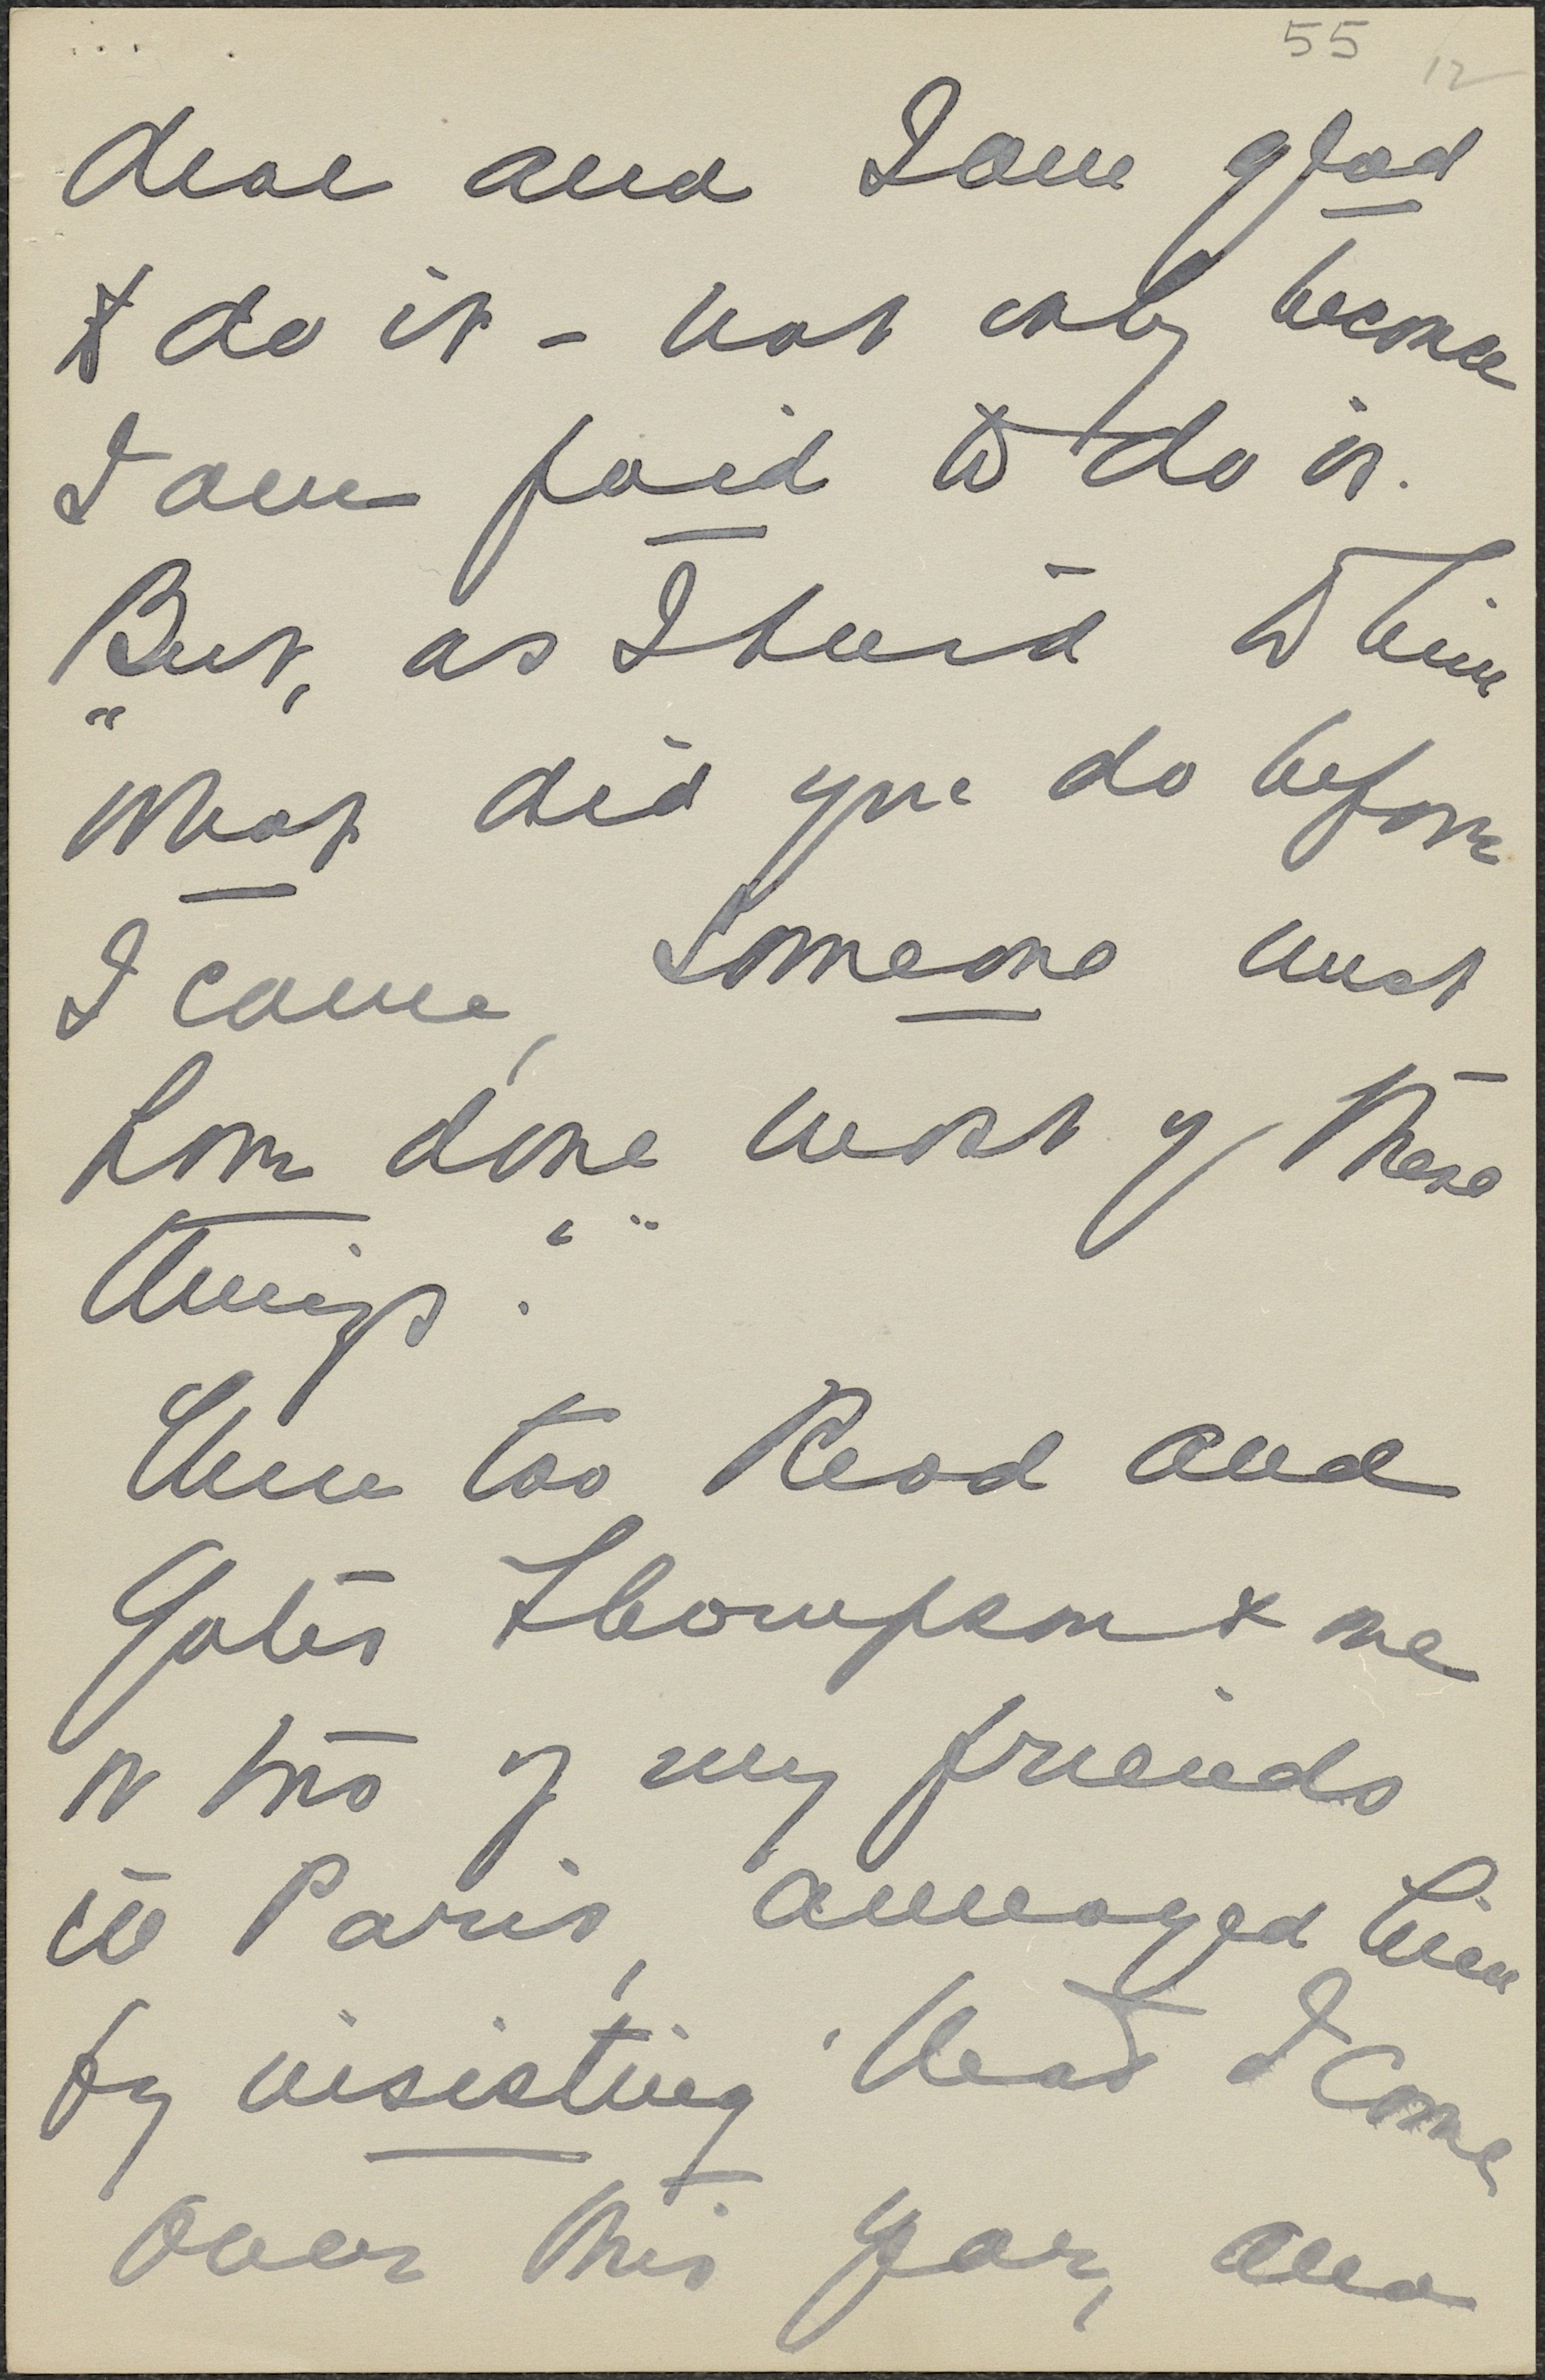deal and I am glad to do it – not only because I am paid to do it. But, as I said to him “what did you do before I came, someone must have done most of these things.”
There too Read and Yates Thompson & one or two of my friends in Paris, annoyed him by visiting that I come over this year, and